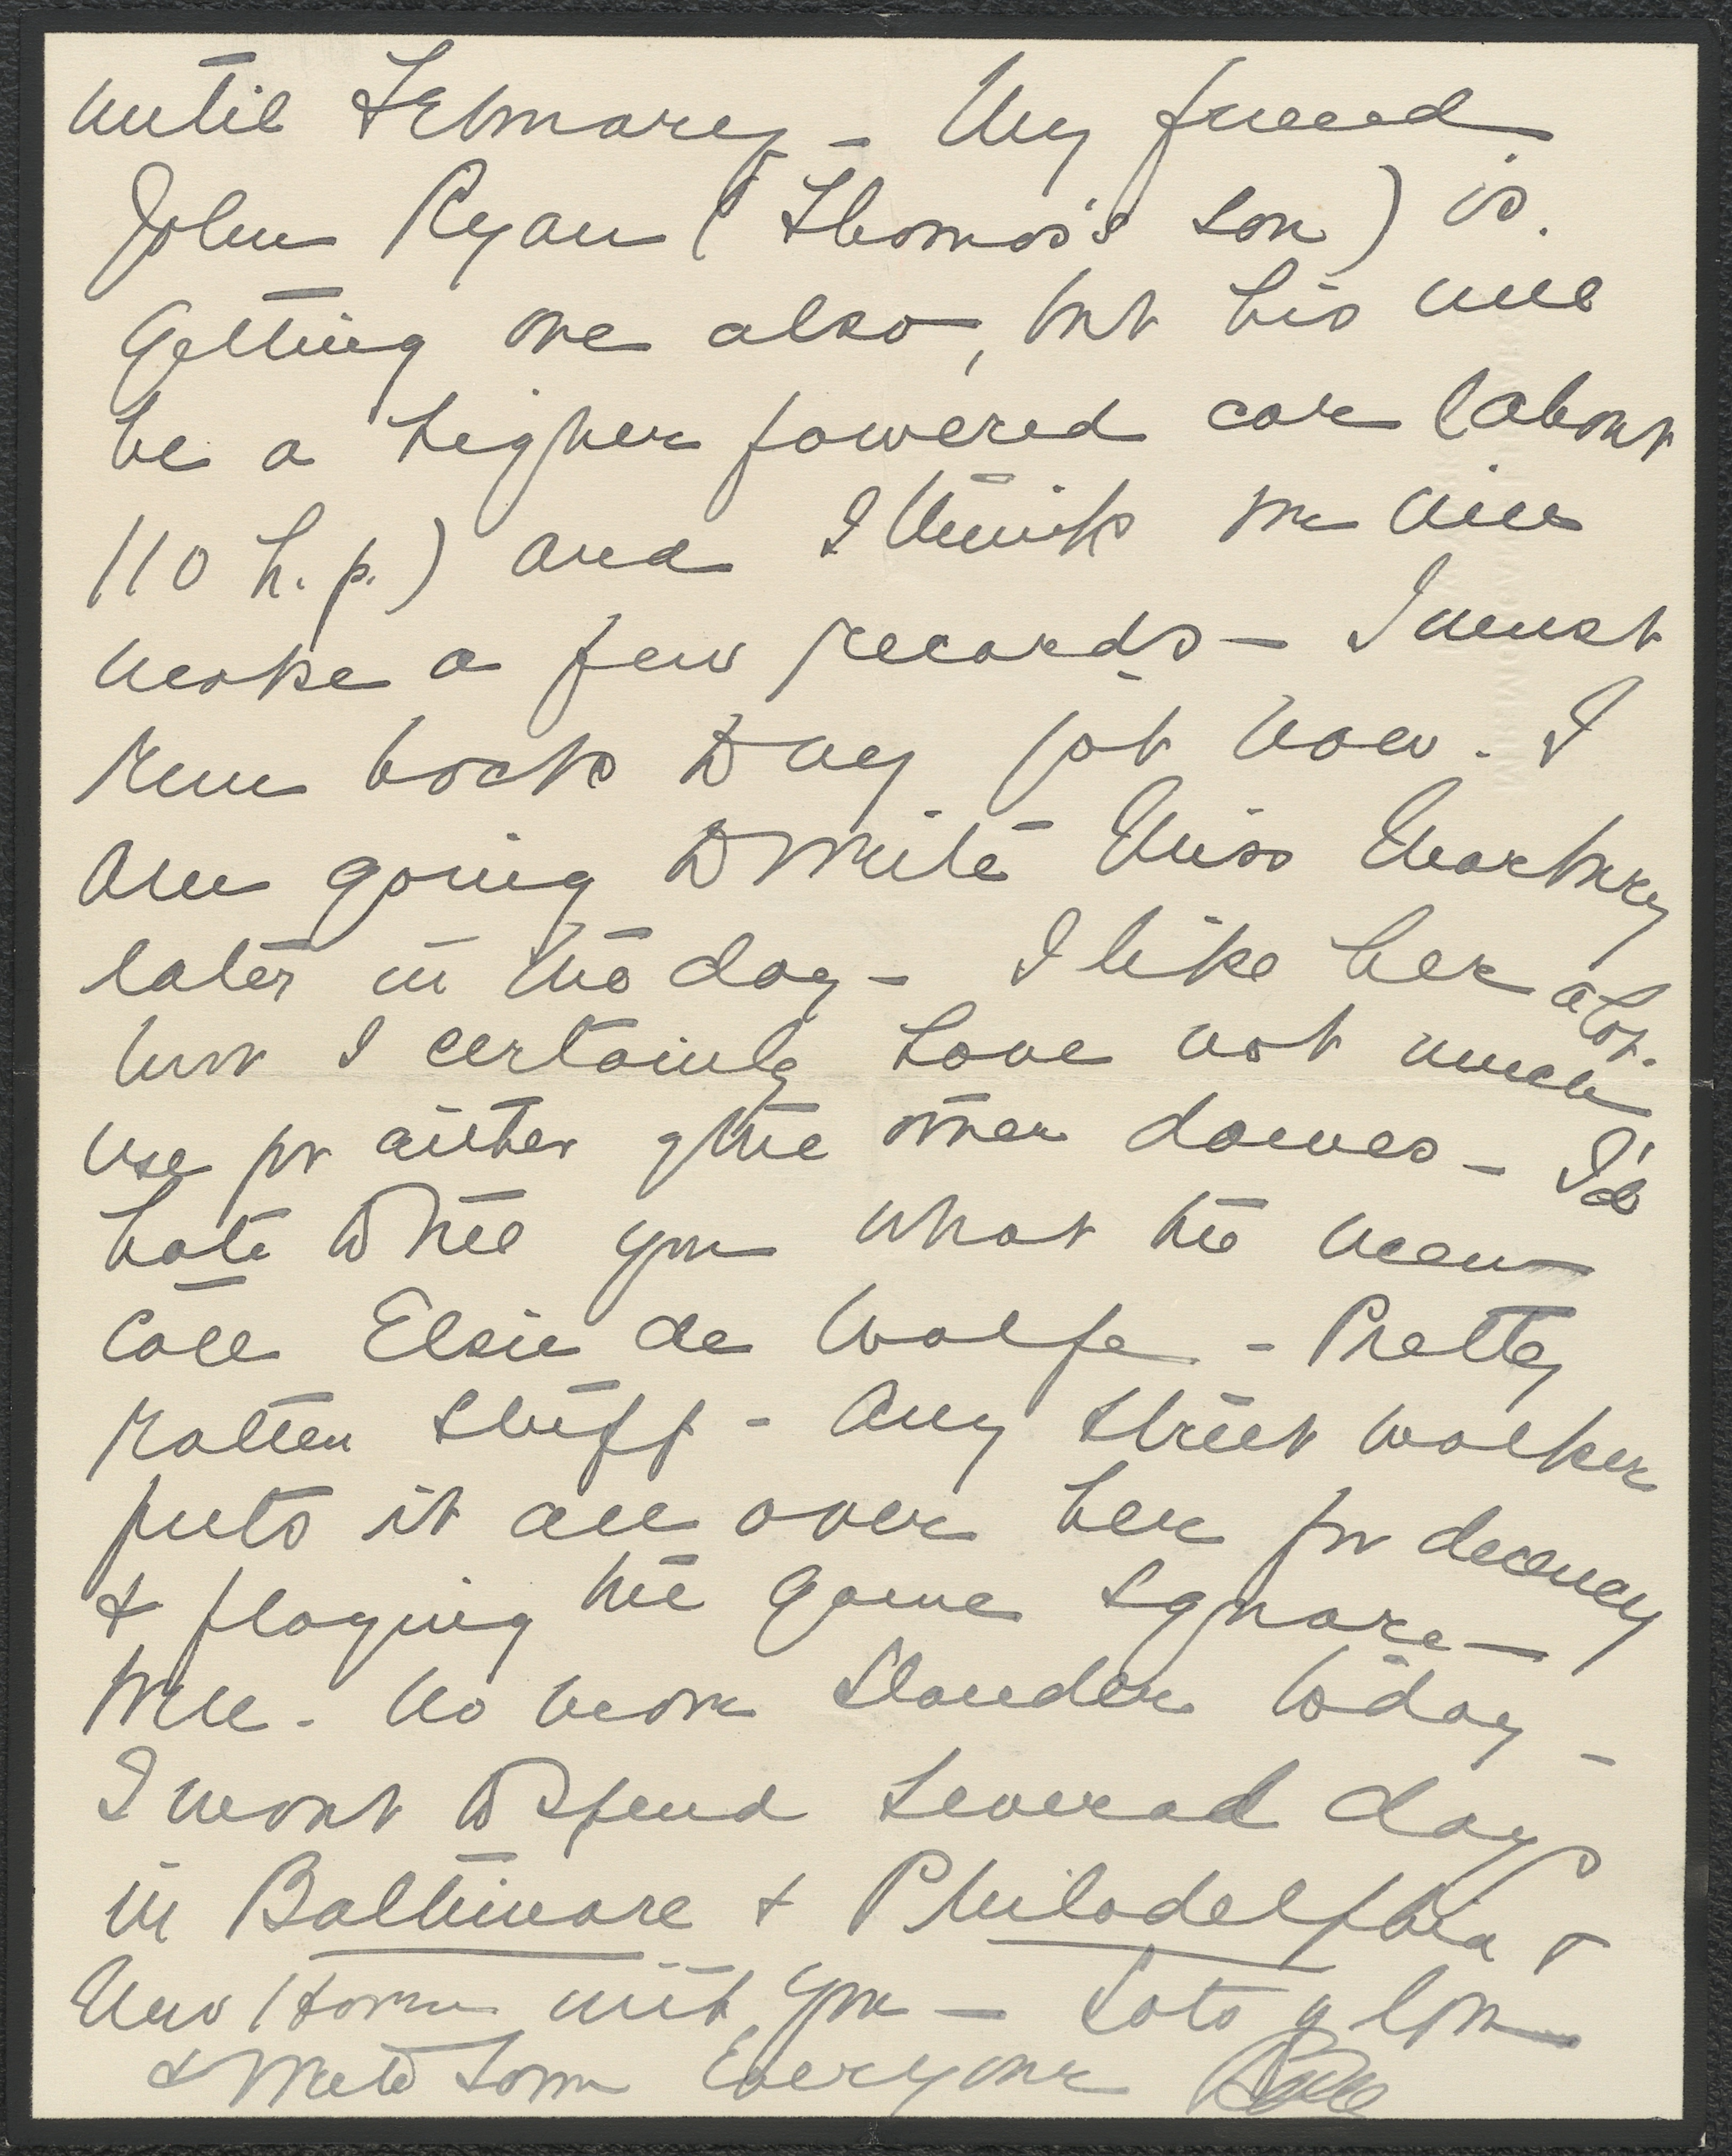until February – My friend John Ryan (Thomas’s son) is getting one also, but his will be a higher powered car (about 110 h. p.) and I think we will make a few records – I must run back to my job now. I am going to write Miss Marbury later in the day – I like her a lot, but I certainly have not much use for either of the other dames – I’d hate to tell you what the men call Elsie de Wolfe – Pretty rotten stuff – Any street walker puts it all over her for decency & playing the game square – Well – no more slander today – I want to spend several days in Baltimore & Philadelphia & New Haven with you – Lots of love & Write some Ever your Belle